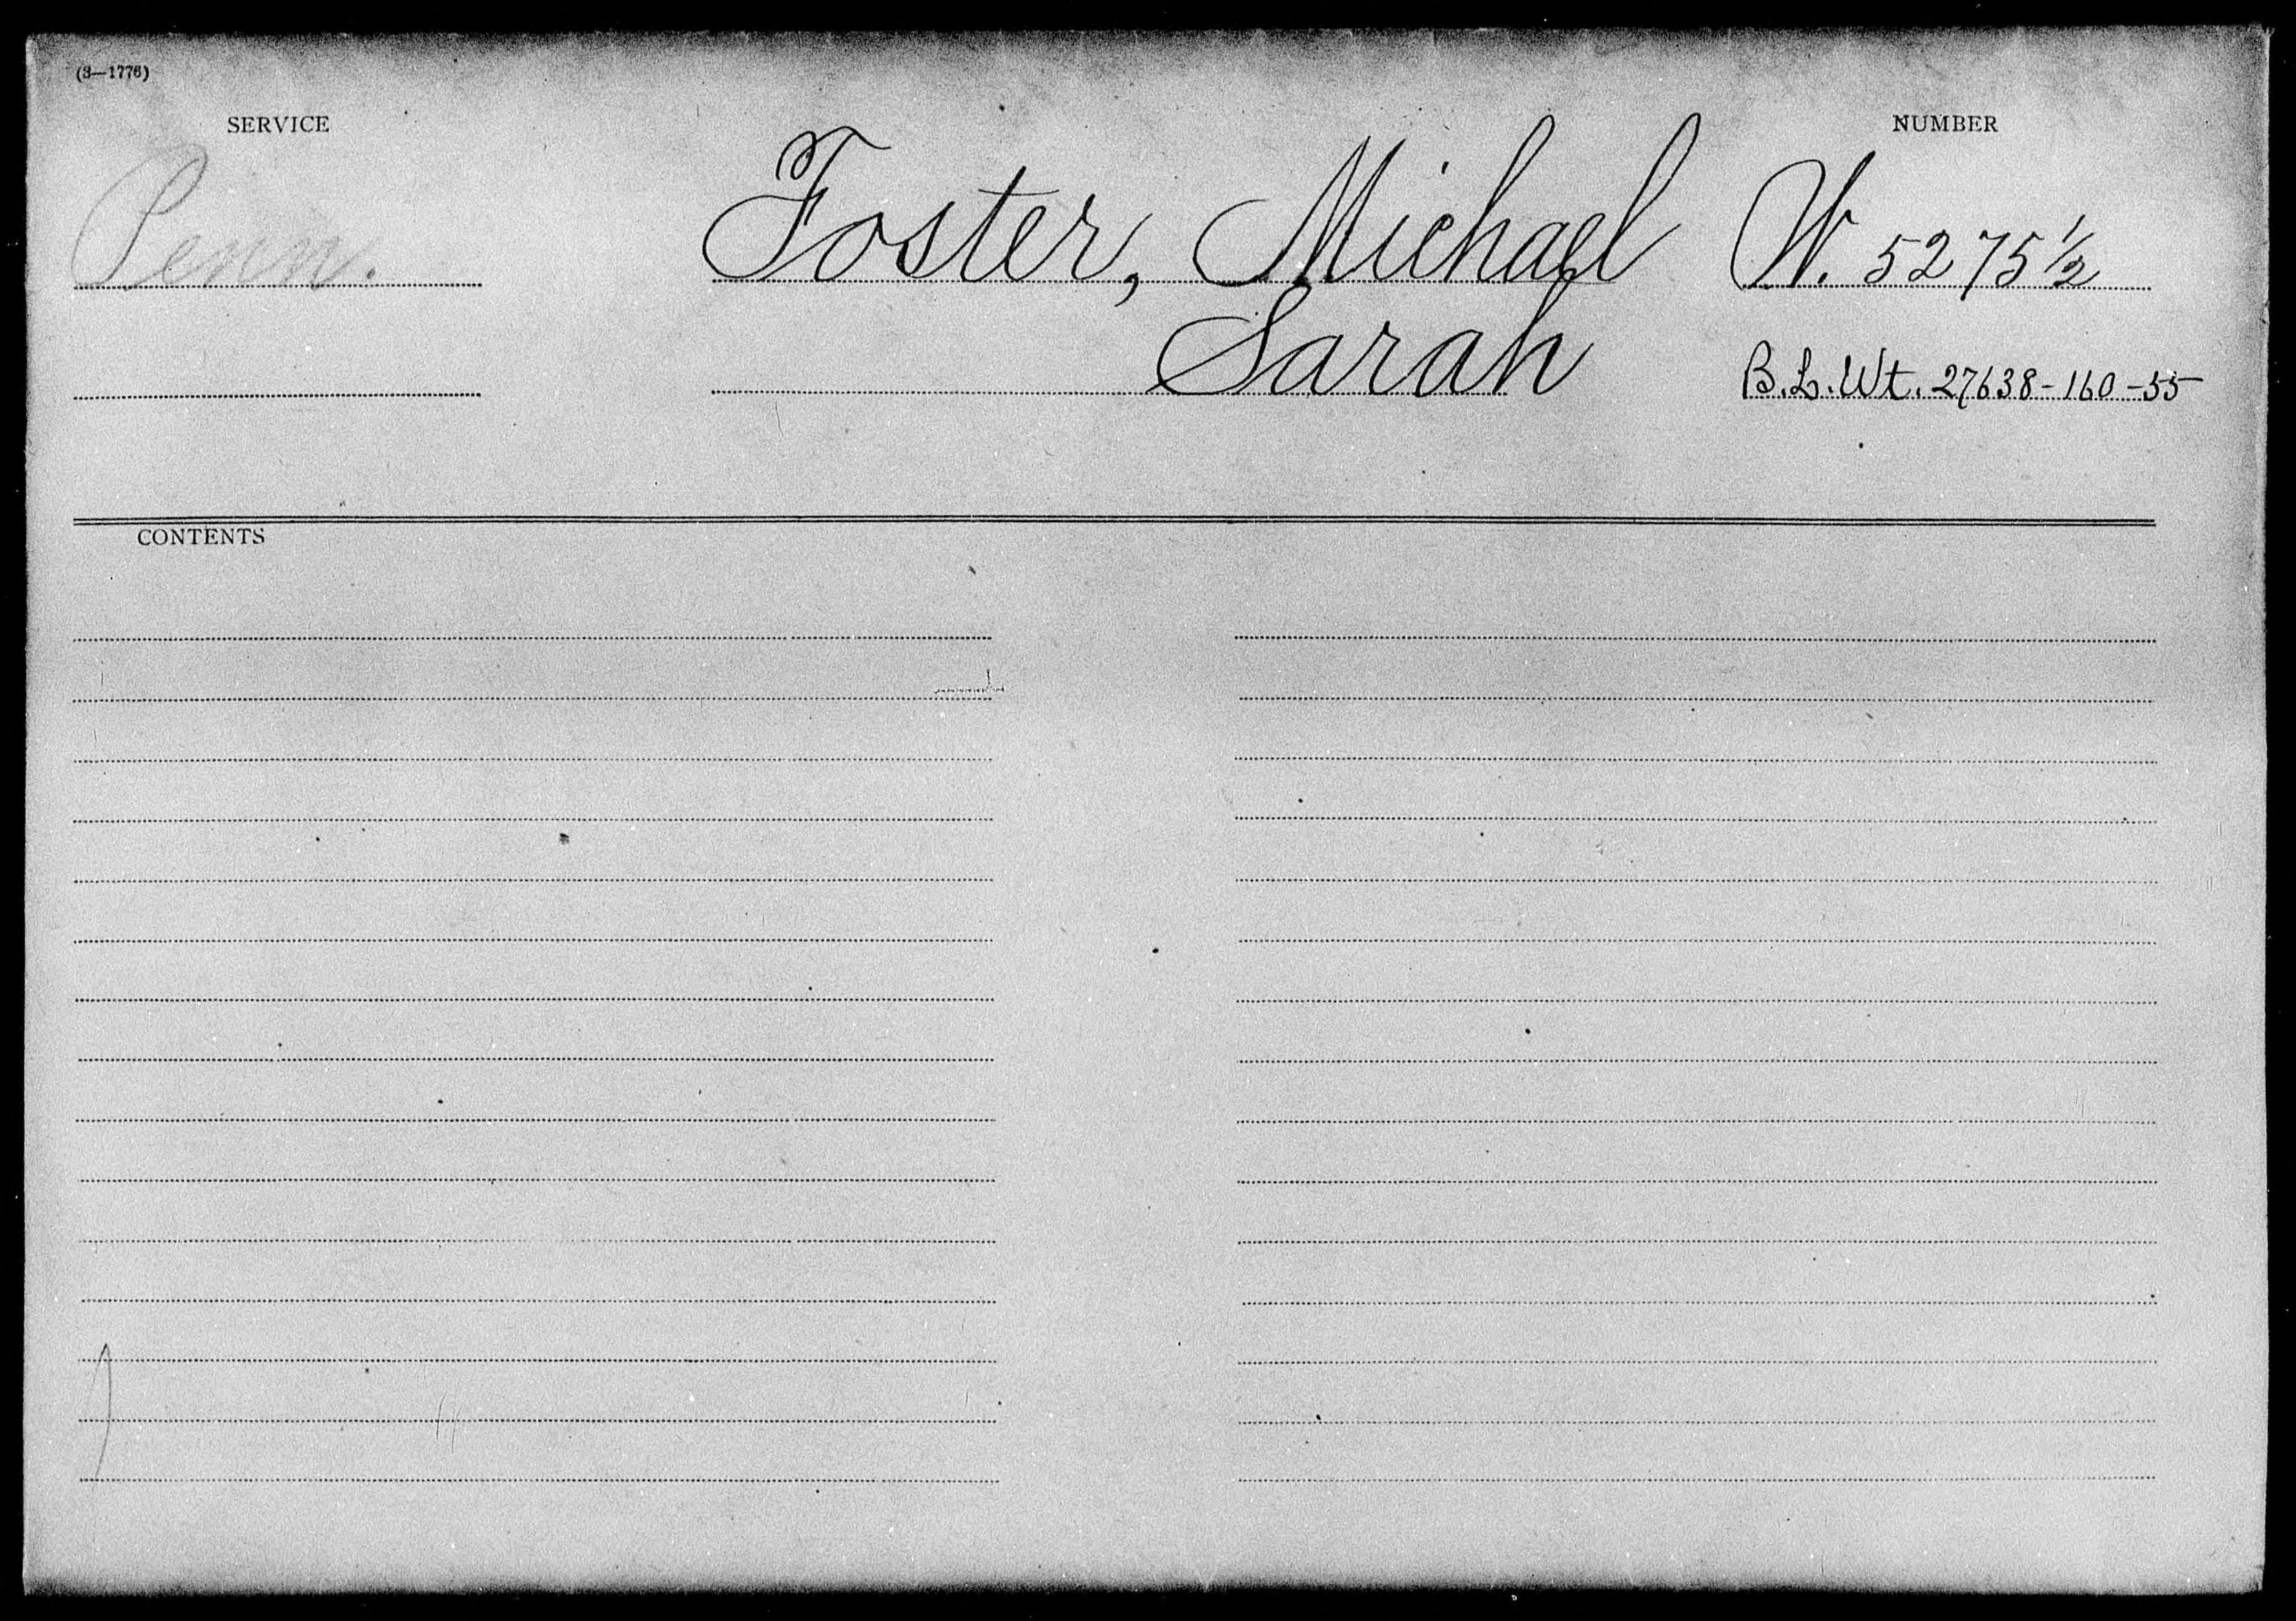Service
Penn.
                              Number
Foster, Michael    W. 5275 1/2
Sarah                      B. L. Wt.     27638-160-55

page: 1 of 57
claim: widow's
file: W. 5275 1/2, Michael Foster, Penn.